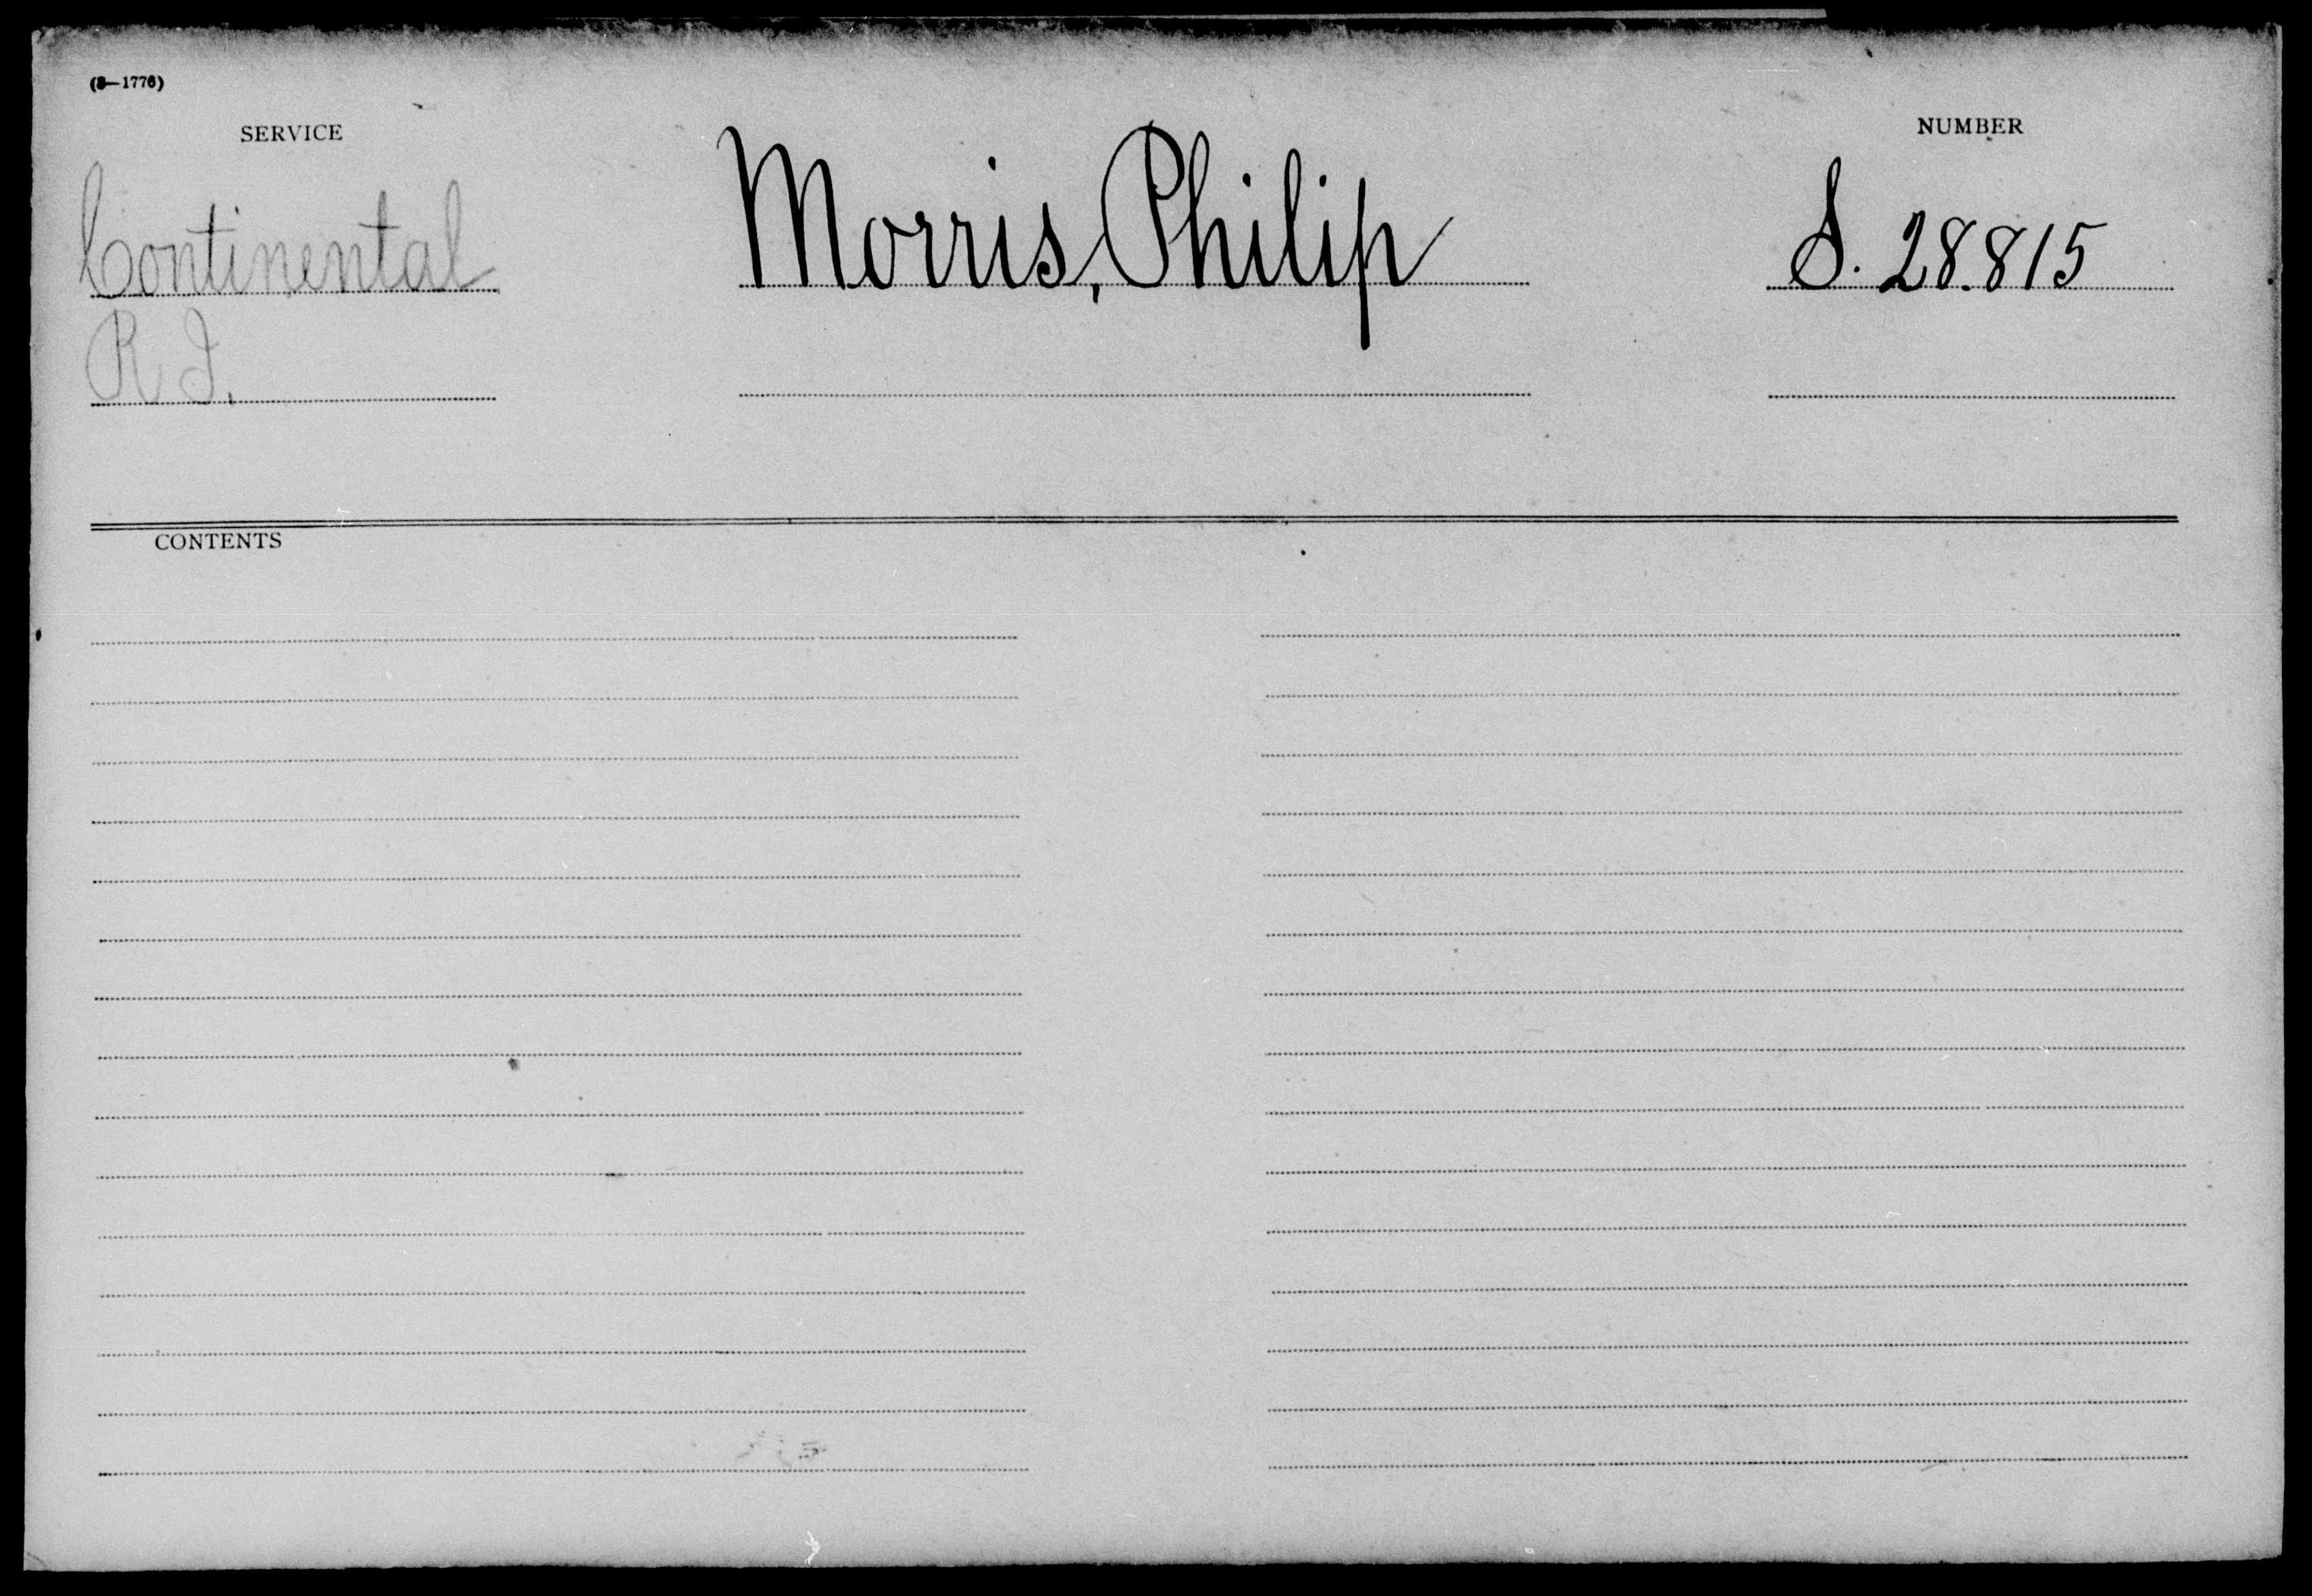SERVICE
CONTINENTAL
R.I.

Morris, Philip

NUMBER S. 28.815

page: 1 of 44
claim: survivor's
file: S. 28,815, for Philip Morris, Rhode Island